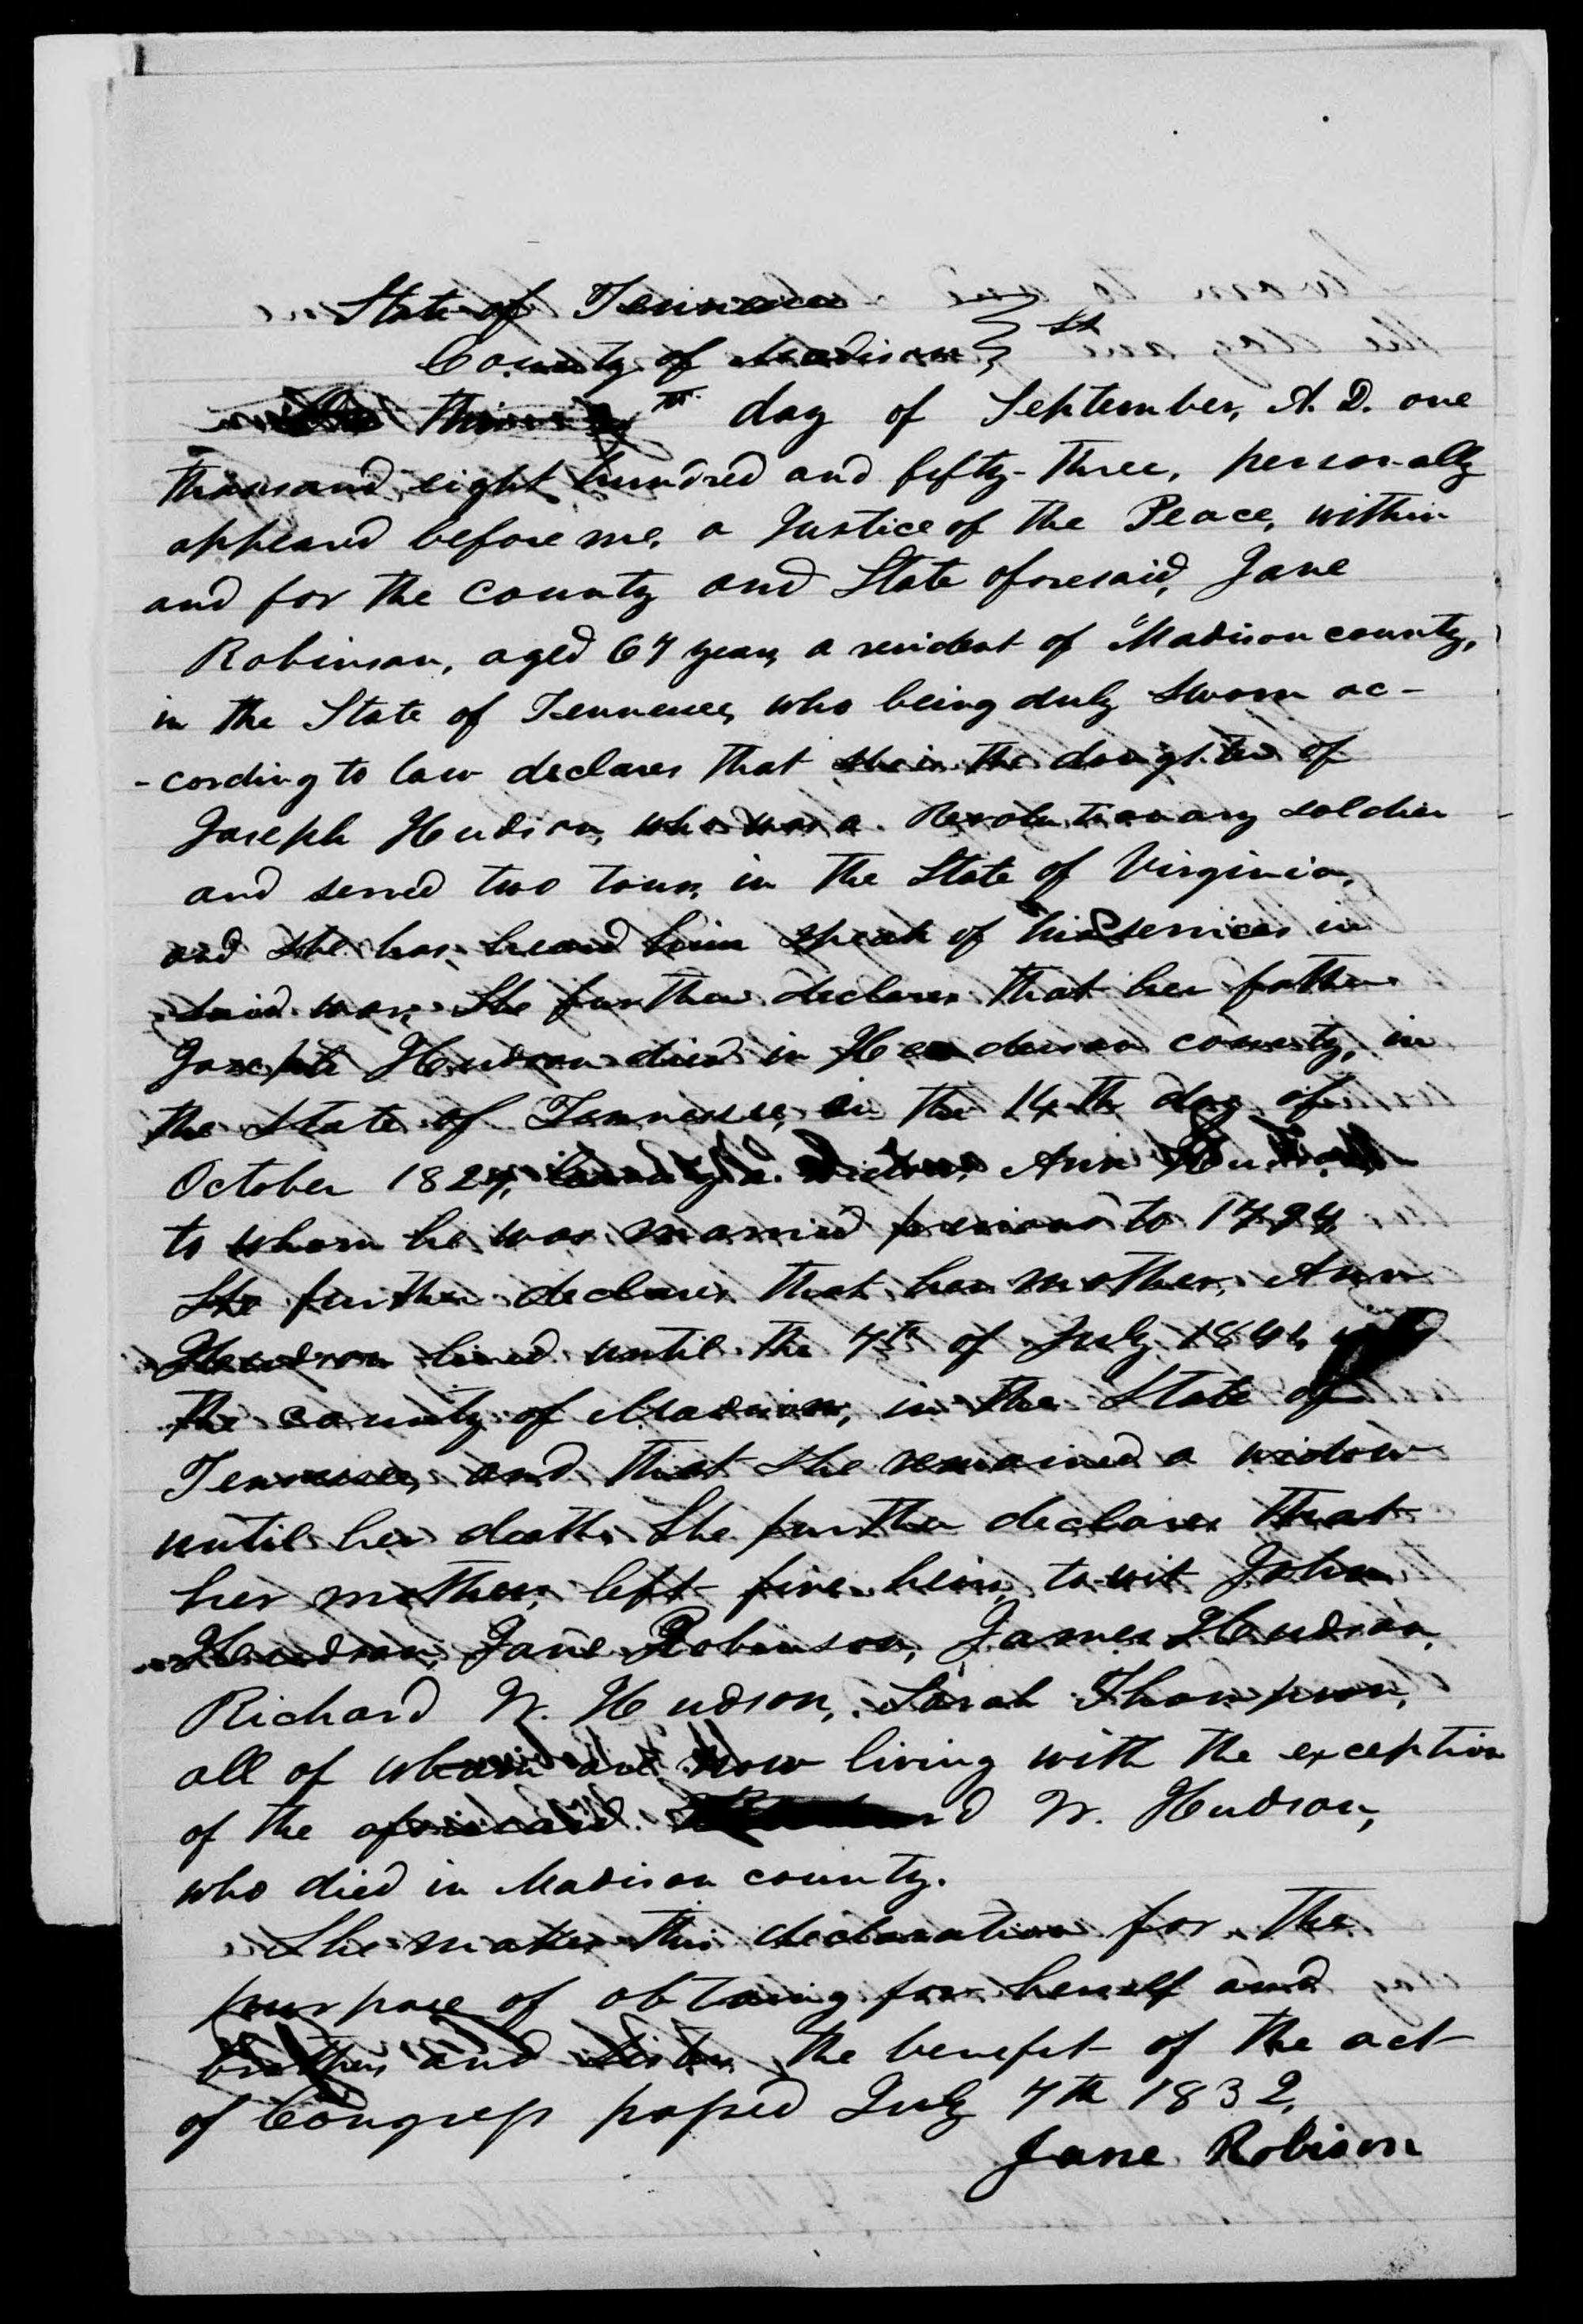State of Tennessee
County of Madison
On this [?] day of September A.D. one thousand eight hundred and fifty three, personally
appeared before me, a Justice of the Peace, within and for the County and State aforesaid, Jane Robinson,
aged 67 years, a resident of Madison county, in the State of Tennessee, who being duly sworn according
to law declares that she is the daughter of Joseph Hudson who was a Revolutionary soldier and served
two tours in the State of Virginia, and she has heard him speak of his services in said war. She further
declares that her father Joseph Hudson died in Henderson county in the State of Tennessee on the 14th
day of October 1827, leaving a widow Ann Hudson to whom he was married previous to 1794. She further declares that her mother, Ann Hudson, lived until the 7th of July 1844 in the county of Madison, in the State of Tennessee and that she remained a widow until her death. She further declares that her mother left five heirs, to wit, John Hudson, Jane Robinson, James Hudson, Richard W Hudson, Sarah Thompson, all of whom are now living with the exception of the aforesaid Richard W. Hudson, who died in Madison county.
She makes this declaration for the purpose of obtaining for herself and brothers and sisters the
benefit of the act of Congress passed July 7th 1832. 
[signed] Jane Robison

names: Jane Robinson, John Hudson, James Hudson, Sarah Thompson, Richard W Hudson, Joseph Hudson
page: 4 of 7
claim: rejected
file: R. 5325, Joseph Hudson, Va.